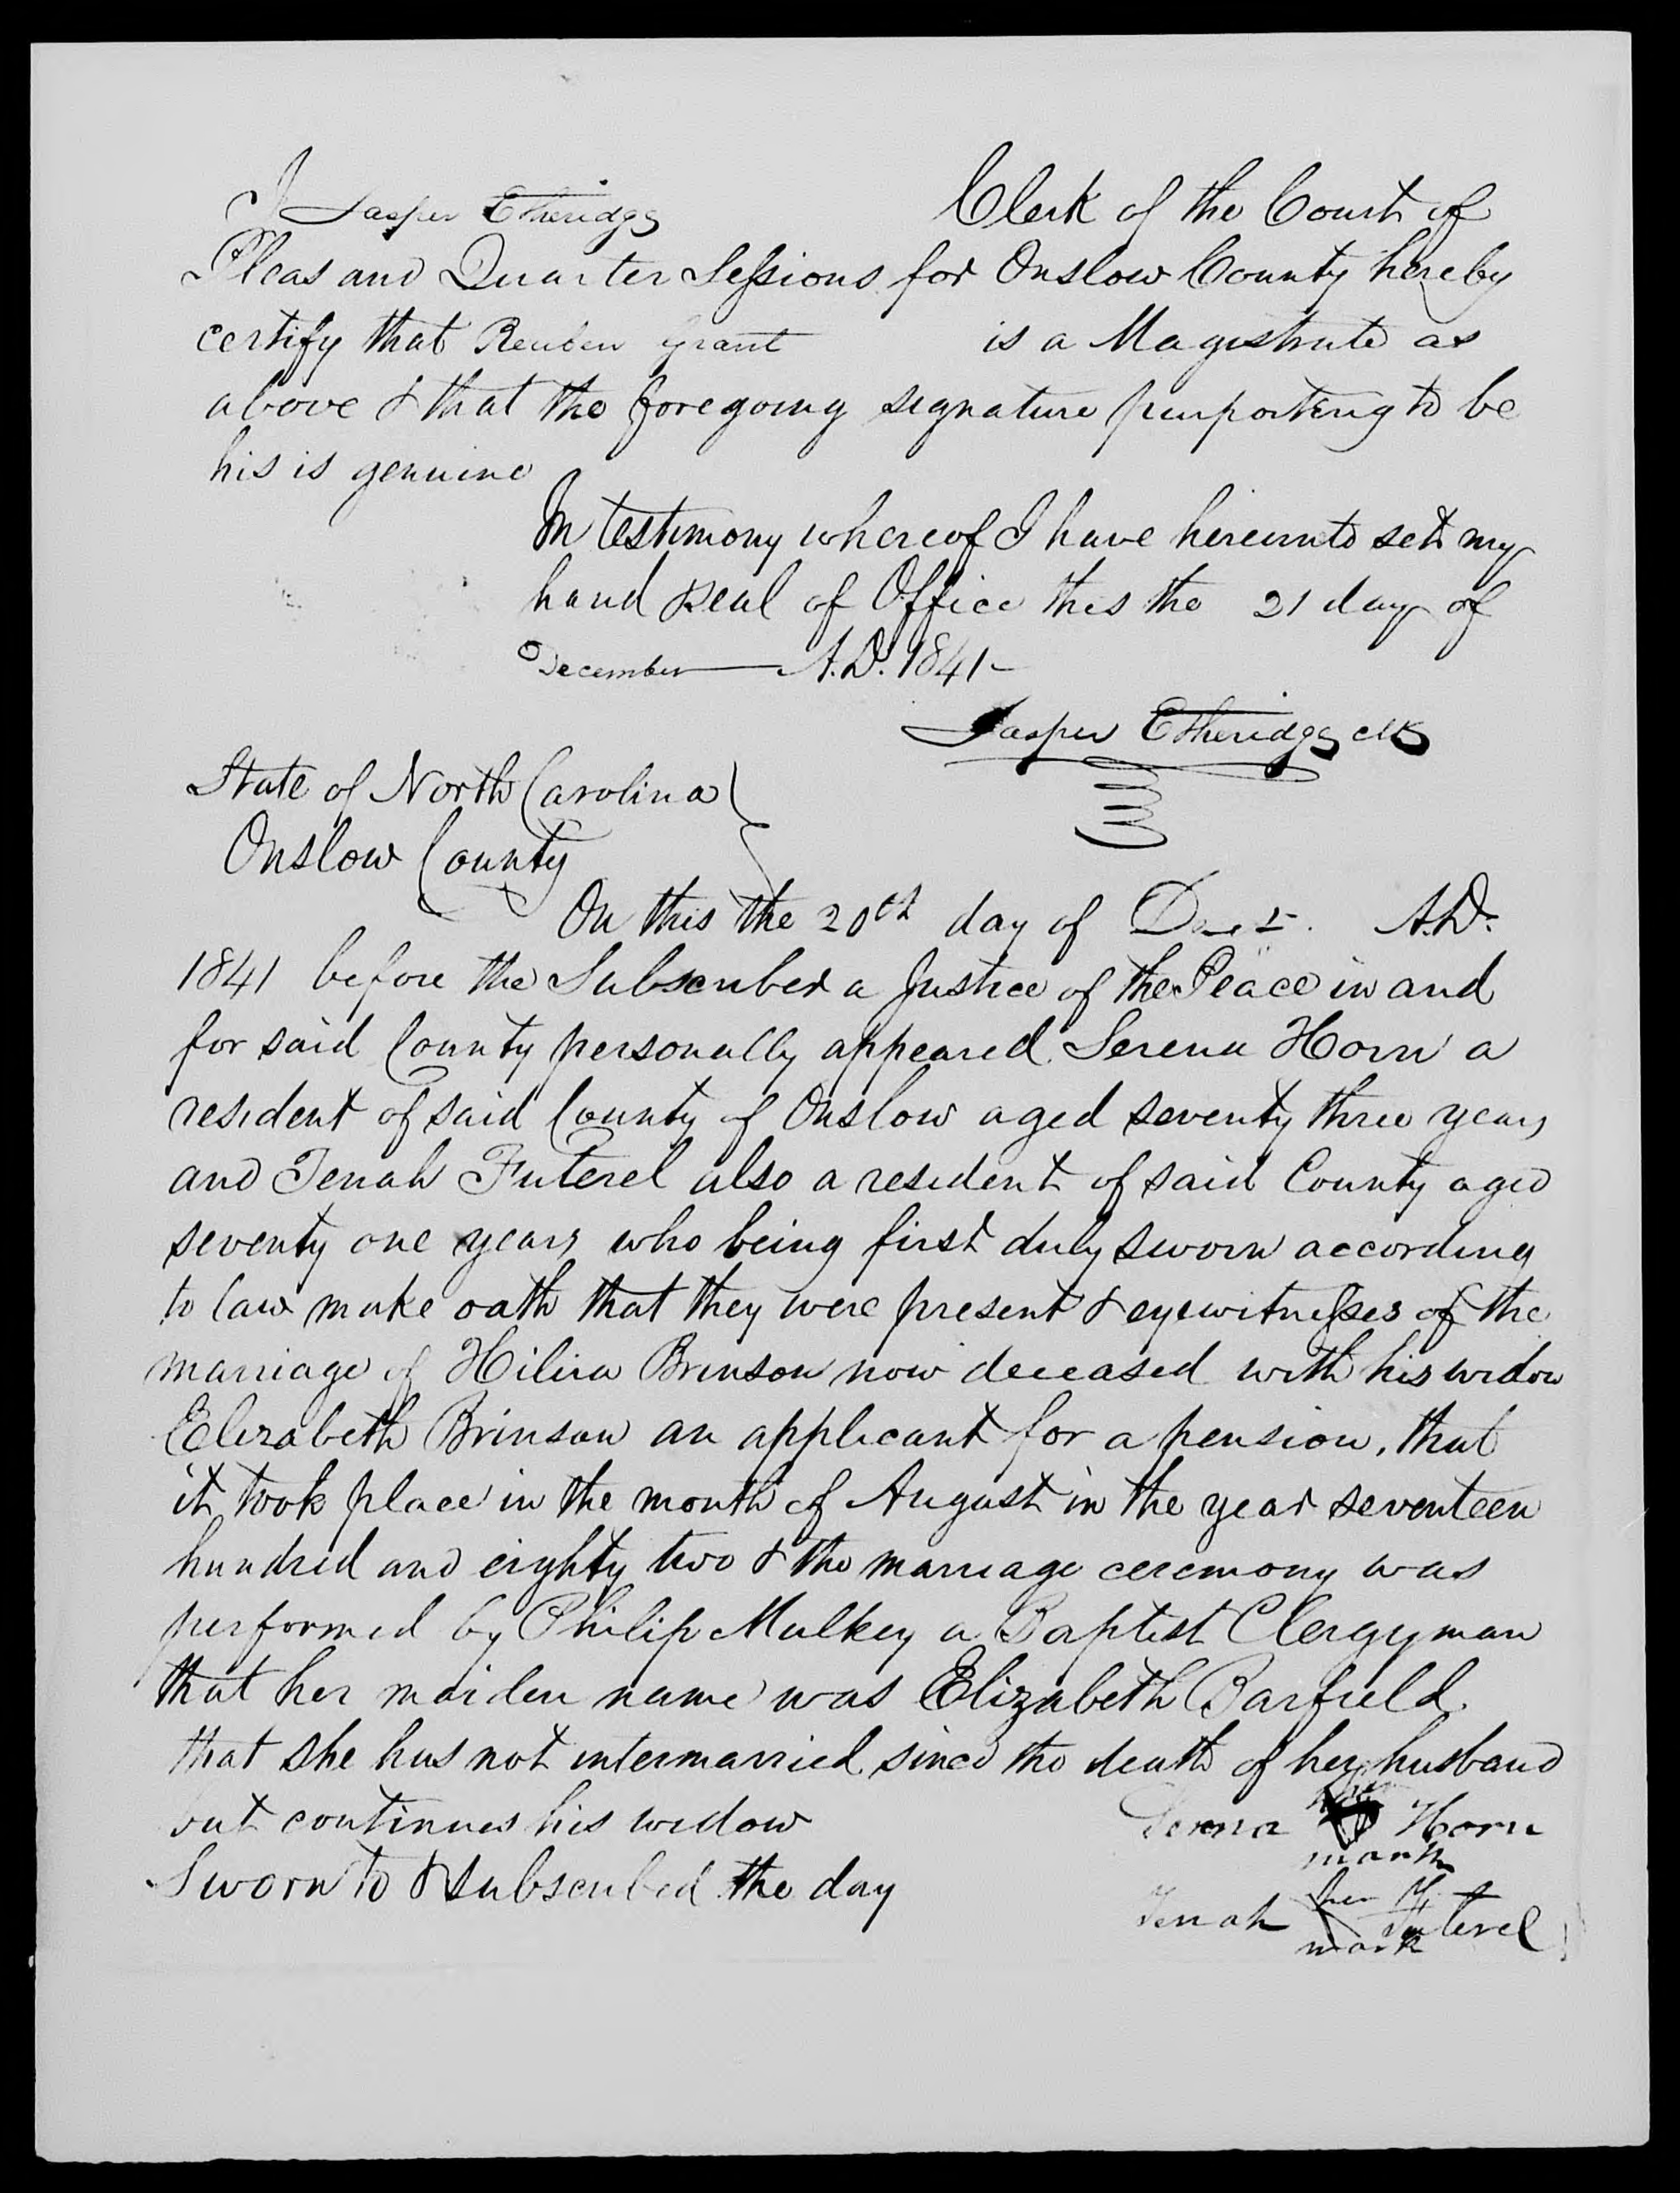I Jasper Etheridge Clerk of the Court of Pleas and Quarter Sessions for Onslow County hereby certify that Reuben Grant is a Magistrate as above and that the foregoing signature purporting to be his is genuine.
In testimony whereof I have hereunto set my hand and seal of office this the 21 day of December A.D. 1841-   Jasper Etheridge Clk

State of North Carolina
Onslow County }  On this the 20th day of Decr. AD 1841 before the subscribed a Justice of the Peace in and for said county personally appeared Serena Horn a resident of said County of Onslow aged seventy three years and Tenah Futerel also a resident of said county aged seventy one years who being first duly sworn according to law make oath that they were present and eyewitnesses of the marriage of Hilira Brinson now deceased with his widow Elizabeth Brinson an applicant for a pension, that it took place in the month of August in the year seventeen hundred and eighty two and the marriage ceremony was performed by Philip Mulkey a Baptist Clergyman that her maiden name was Elizabeth Barfield , that she has not intermarried since the death of her husband but continues his widow.  Serena Horn (her mark)  Tenah Futerl (her mark)
Sworn to and subscribed the day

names: Elizabeth Brinson, Tenah Futerel, Jasper Etheridge, Tenah Futerel, Philip Malkey, Elizabeth Barfield, Hilira Brinson, Jasper Etheridge, Serena Horn, Reuben Grant, Serena Horn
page: 22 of 38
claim: widow's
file: W. 5231, Hilary Brinson, N.C.